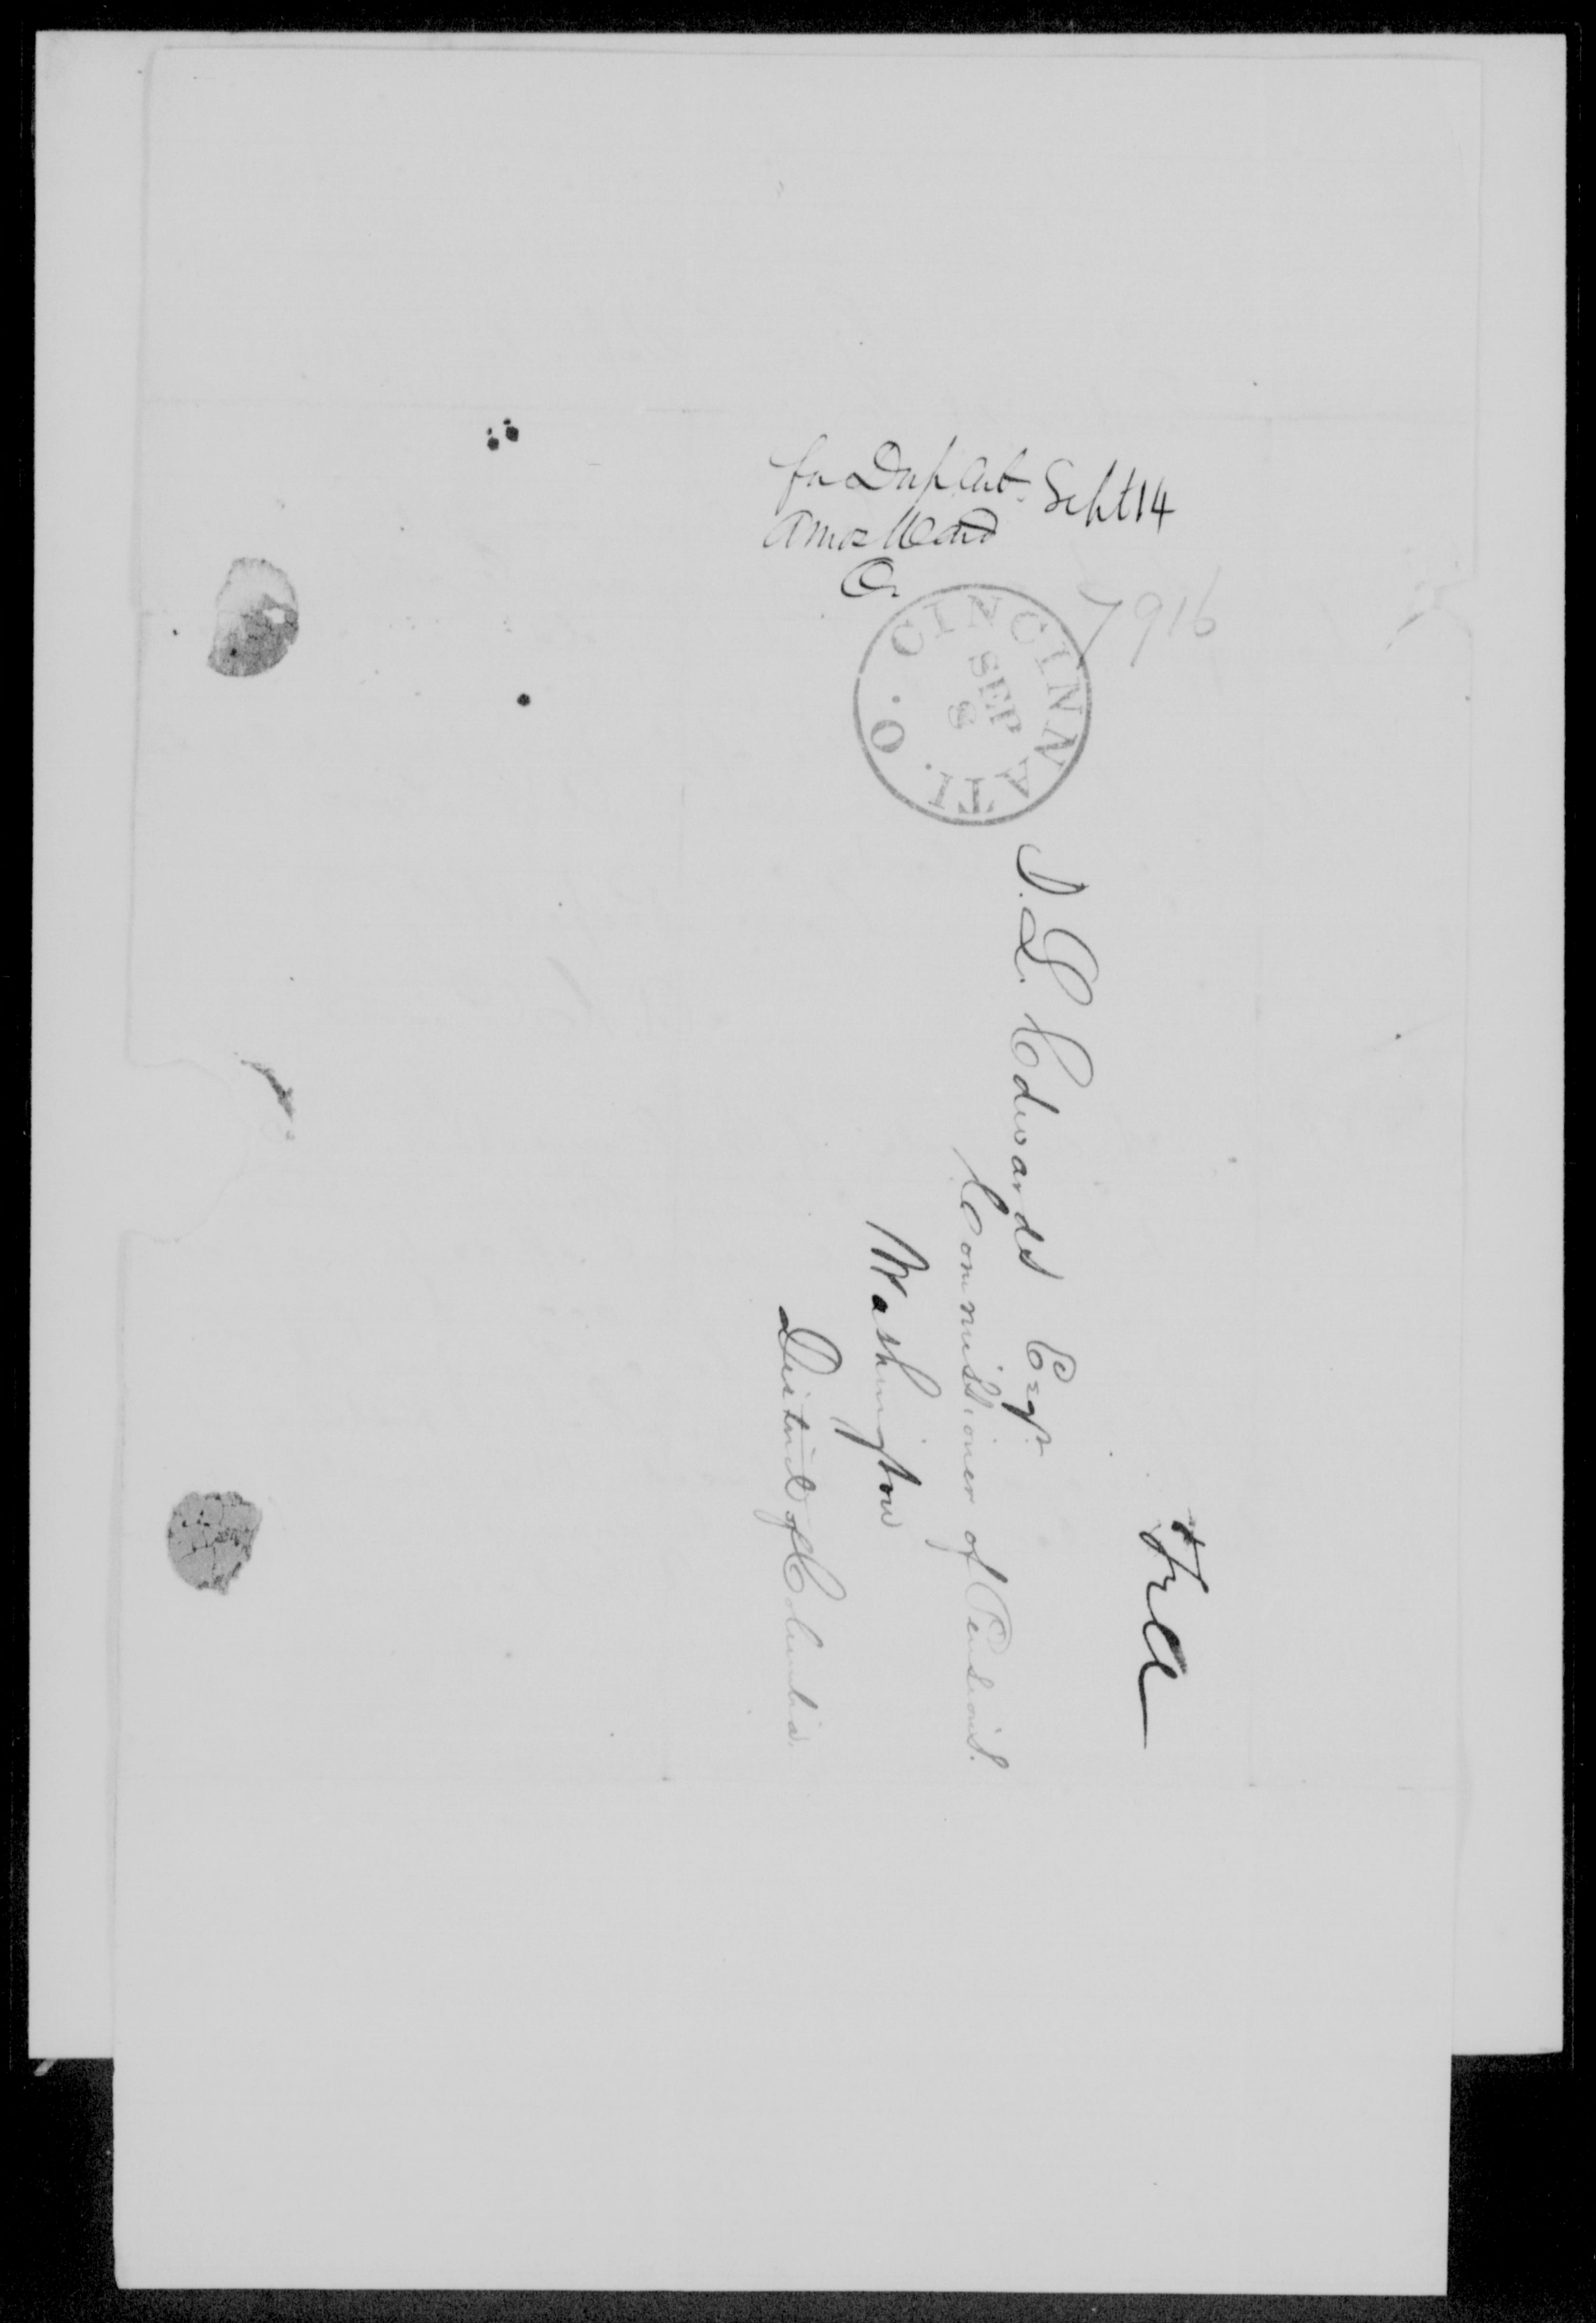for Dup. Cert.  Sept 14
Amos Ward
O.
7916

[round stamp located in upper center of page with printing inside it as follows:] CINCINNATI.  O.  SEP 8

[writing oriented vertically going from top to bottom of page, as follows:] 
Free
J.L. Edwards Esqr.
Commissioner of Pensions
Washington
District of Columbia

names: J L Edwards, Amos Ward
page: 15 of 18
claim: survivor's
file: S. 4718, Amos Ward, New Jersey